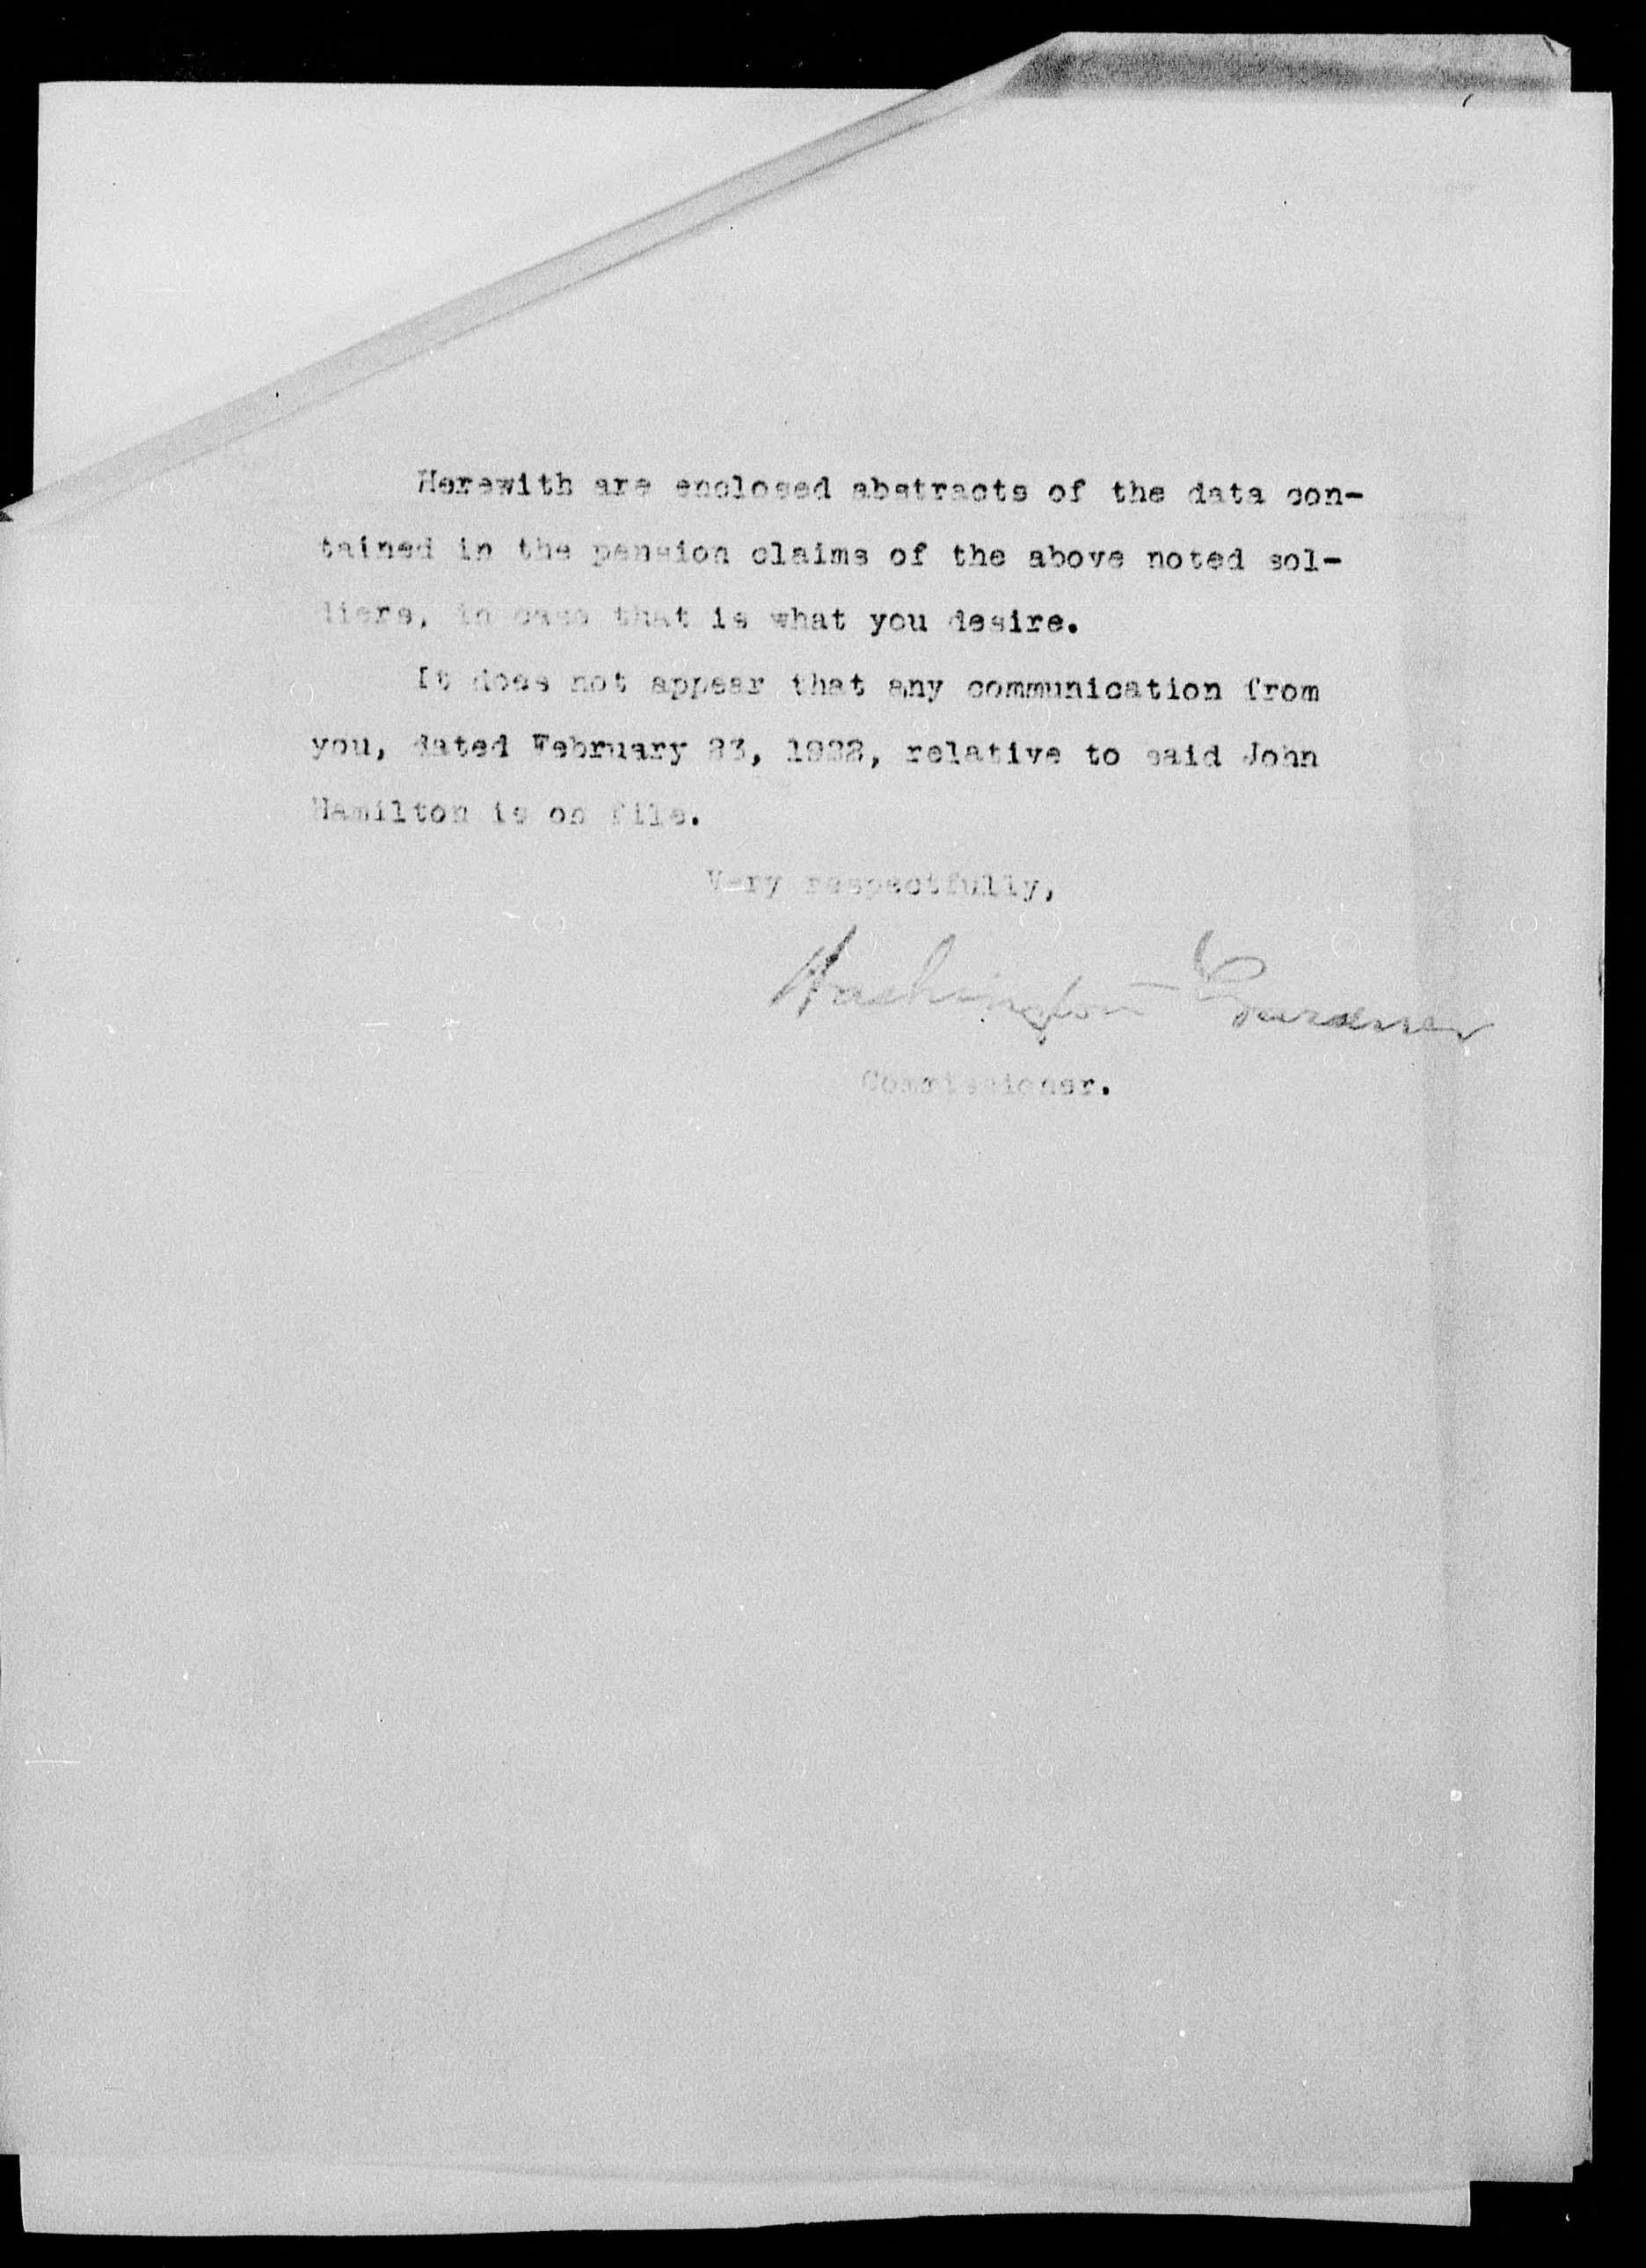Herewith are enclosed abstracts of the data con-
tained in the pension claims of the above noted sol-
diers,  in case thati s what you desire.

It does not appear that any communication from
you, dated February 23, 1922, relaive to said  John
Hamilton is on file.

Very respectfully,
Washington Gardner
Commissioner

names: Washington Gardner, John Hamilton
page: 17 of 21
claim: survivor's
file: S. 35,788, William Brown, Va.